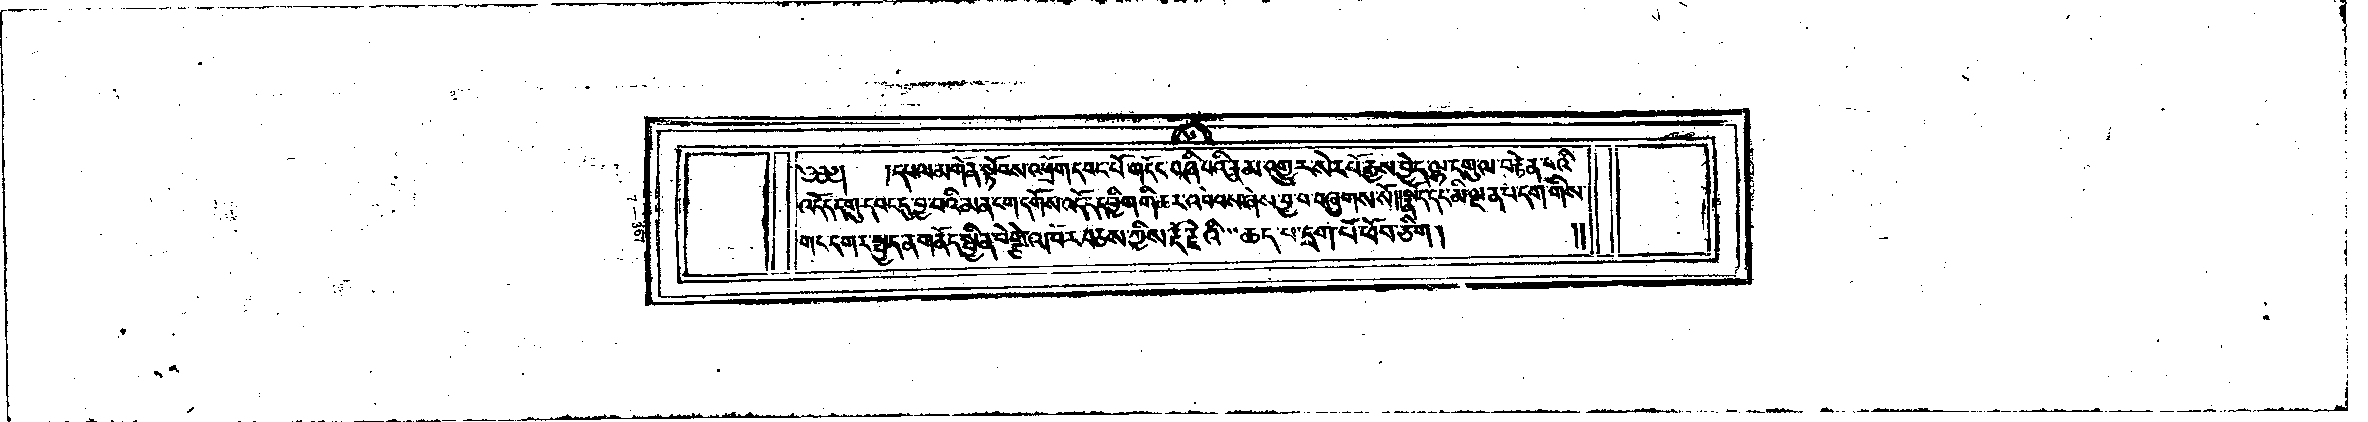༄༅༅། །དཔལ་མགོར་སྟོབས་འཕྲོག་དབང་པོ་གདོང་བཞི་པའི་རྣམ་འགྱུར་སེར་པོ་རྒྱས་བྱེད་ལྷ་དགུ་ལ་བརྟེན་པའི་
འདོད་དགུ་དབང་དུ་བྱ་བའི་མན་ངག་དགོས་འོད་དང་བྱིག་གི་ཆར་འབེབས་ཞེས་བྱ་བ་བཞུགས་སོ། །སྣོད་དང་མི་ལྡན་པ་དག་གིས་
གང་དགར་སྤྱད་ན་གནོད་སྦྱིན་བེགཙེ་འཁོར་བཅས་ཀྱིས་རྡོ་རྗེའི་ཆད་པ་དྲག་ཕོ་ཕོ་བ་ཅིག ། །།